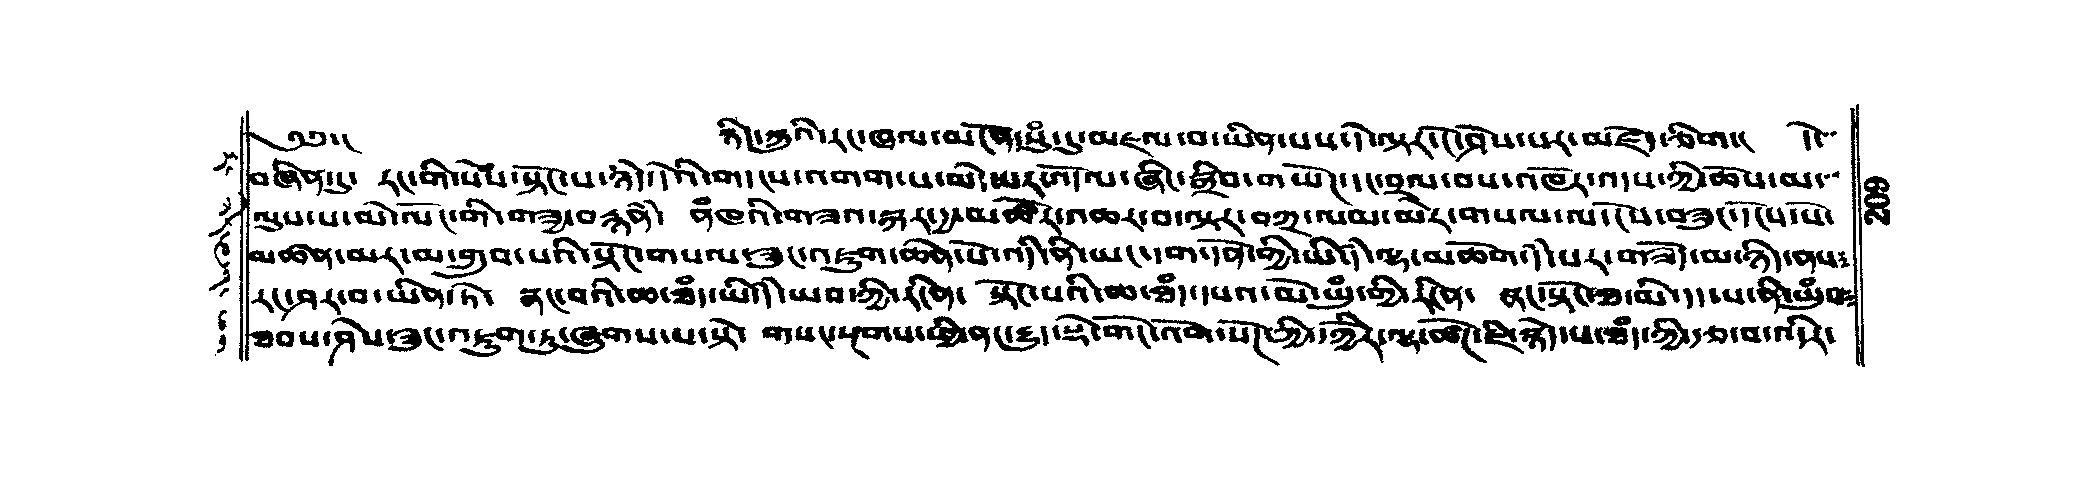ཉིད་སྐུའི་རང་ཞལ་མངོན་སུམ་དུ་མཇལ་བ་ཡིན་པས་དེ་ལྟར་ངོ་ཤེས་པར་མཛོད་ཅིག དེ་
བཞིན་དུ། རང་གི་སེམས་སྟོང་ཉིད་དེའི་གདངས་འགག་པ་མེད་པར་འོད་གསལ་ཞིག་སྒྲིབ་གཡོགས་དག་བྲལ་བས་འཁོར་འདས་ཀྱི་ཆོས་མ་
ལུས་པ་མི་ལོང་གི་གཟུགས་བརྙན་ནམ། ནམ་མཁའི་གཟའ་སྐར་རྒྱ་མཚོར་འཆར་བ་ལྟར་བཀྲ་ལམ་མེར་གསལ་ལ་ངོས་བཟུང་དངོས་པོ་
མཚན་མར་མ་གྲུབ་པའི་སྟོང་གསལ་ཟུང་འཇུག་ཆེན་པོ་འདི་ནི་ཡང་དག་དོན་གྱི་ཡི་དམ་ལྷ་མཆོག་དམ་པར་གཟོད་མ་ཉིད་ནས་
རང་ཤར་བ་ཡིན་ཏེ། སྣང་བའི་ཆ་ཐམས་ཅད་ཡི་དམ་ཡབ་ཀྱི་རང་བཞིན། སྟོང་པའི་ཆ་ཐམས་ཅད་དཔའ་མོ་ཡུམ་གྱི་རང་བཞིན་སྣང་སྟོང་ཐ་མི་དད་པ་ནི་ཡབ་ཡུམ་
ཐབས་ཤེས་ཟུང་འཇུག་ཏུ་ཞུགས་པ་སྟེ། གསང་སྔགས་ཕྱི་ནང་རྒྱུད་སྡེ་གོང་འོག་སོགས་ཀྱི་དཀྱིལ་འཁོར་ལྷ་ཚོགས་ཇི་སྙེད་པ་ཐམས་ཅད་ཀྱི་རྩ་བ་འདིར་